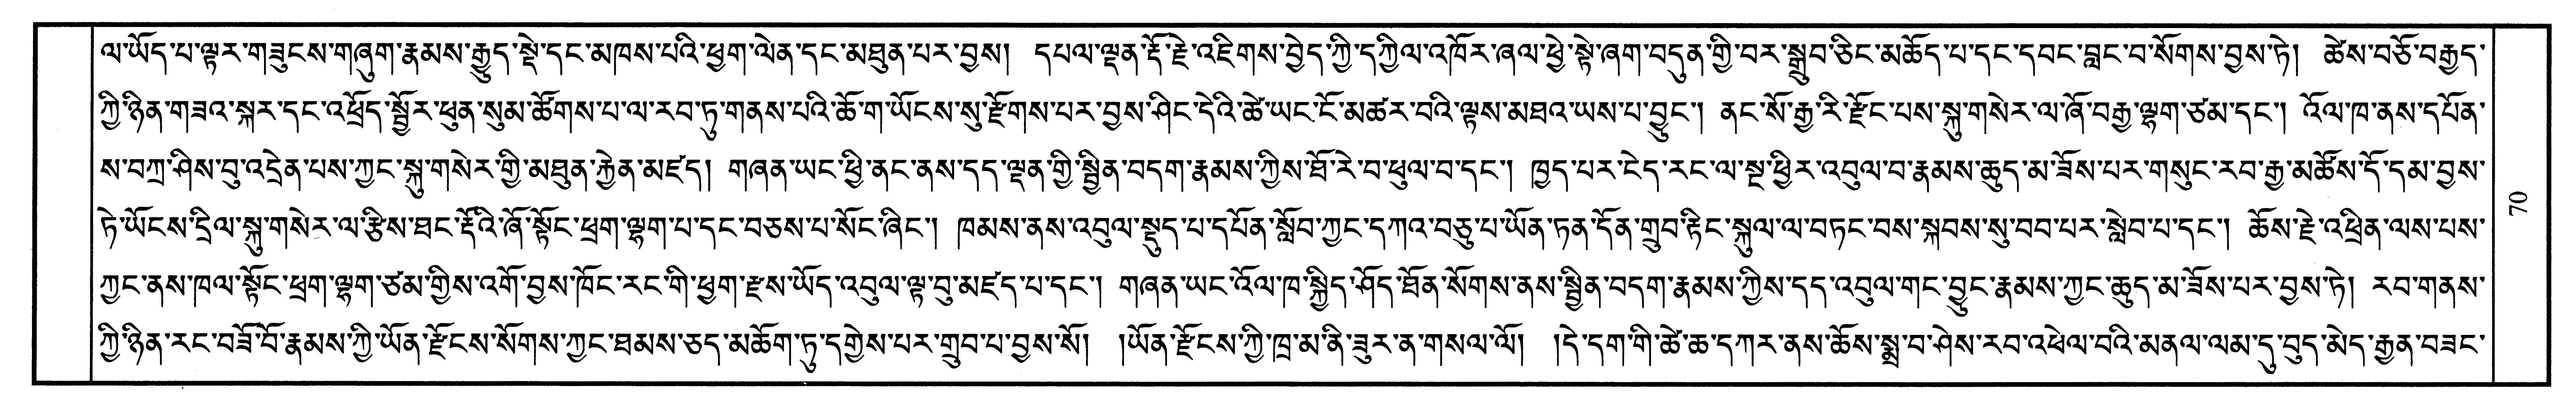ལ་ཡོད་པ་ལྟར་གཟུངས་གཞུག་རྣམས་རྒྱུད་སྡེ་དང་མཁས་པའི་ཕྱག་ལེན་དང་མཐུན་པར་བྱས། དཔལ་ལྡན་རྡོ་རྗེ་འཇིགས་བྱེད་ཀྱི་དཀྱིལ་འཁོར་ཞལ་ཕྱེ་སྟེ་ཞག་བདུན་གྱི་བར་སྒྲུབ་ཅིང་མཆོད་པ་དང་དབང་བླང་བ་སོགས་བྱས་ཏེ། ཚེས་བཅོ་བརྒྱད་
ཀྱི་ཉིན་གཟའ་སྐར་དང་འཕྲོད་སྦྱོར་ཕུན་སུམ་ཚོགས་པ་ལ་རབ་ཏུ་གནས་པའི་ཆོ་ག་ཡོངས་སུ་རྫོགས་པར་བྱས་ཤིང་དེའི་ཚེ་ཡང་ངོ་མཚར་བའི་ལྟས་མཐའ་ཡས་པ་བྱུང་། ནང་སོ་རྒྱ་རི་རྫོང་པས་སྐུ་གསེར་ལ་ཞོ་བརྒྱ་ལྷག་ཙམ་དང་། འོལ་ཁ་ནས་དཔོན་
ས་བཀྲ་ཤིས་བུ་འདྲེན་པས་ཀྱང་སྐུ་གསེར་གྱི་མཐུན་རྐྱེན་མཛད། གཞན་ཡང་ཕྱི་ནང་ནས་དད་ལྡན་གྱི་སྦྱིན་བདག་རྣམས་ཀྱིས་ཐོ་རེ་བ་ཕུལ་བ་དང་། ཁྱད་པར་ངེད་རང་ལ་སྔ་ཕྱིར་འབུལ་བ་རྣམས་ཆུད་མ་ཟོས་པར་གསུང་རབ་རྒྱ་མཚོས་དོ་དམ་བྱས་
ཏེ་ཡོངས་དྲིལ་སྐུ་གསེར་ལ་རྩིས་ཐང་རྡོའི་ཞོ་སྟོང་ཕྲག་ལྷག་པ་དང་བཅས་པ་སོང་ཞིང་། ཁམས་ནས་འབུལ་སྡུད་པ་དཔོན་སློབ་ཀྱང་དཀའ་བཅུ་པ་ཡོན་ཏན་དོན་གྲུབ་རྟིང་སྐུལ་ལ་བཏང་བས་སྐབས་སུ་བབ་པར་སླེབ་པ་དང་། ཆོས་རྗེ་འཕྲིན་ལས་པས་
ཀྱང་ནས་ཁལ་སྟོང་ཕྲག་ལྷག་ཙམ་གྱིས་འགོ་བྱས་ཁོ་རང་གི་ཕྱག་རྫས་ཡོད་འབུལ་ལྟ་བུ་མཛད་པ་དང་། གཞན་ཡང་འོལ་ཁ་སྐྱིད་ཤོད་ཐོན་སོགས་ནས་སྦྱིན་བདག་རྣམས་ཀྱིས་དད་འབུལ་གང་བྱུང་རྣམས་ཀྱང་ཆུད་མ་ཟོས་པར་བྱས་ཏེ། རབ་གནས་
ཀྱི་ཉིན་རང་བཟོ་བོ་རྣམས་ཀྱི་རྫོངས་སོགས་ཀྱང་ཐམས་ཅད་མཆོག་ཏུ་དགྱེས་པར་གྲུབ་པ་བྱས་སོ། །ཡོན་རྫོངས་ཀྱི་ཁྲ་མ་ནི་ཟུར་ན་གསལ་ལོ། །དེ་དག་གི་ཚེ་ཆ་དཀར་ནས་ཆོས་སྨྲ་བ་ཤེས་རབ་འཕེལ་བའི་མནལ་ལམ་དུ་བུད་མེད་རྒྱན་བཟང་